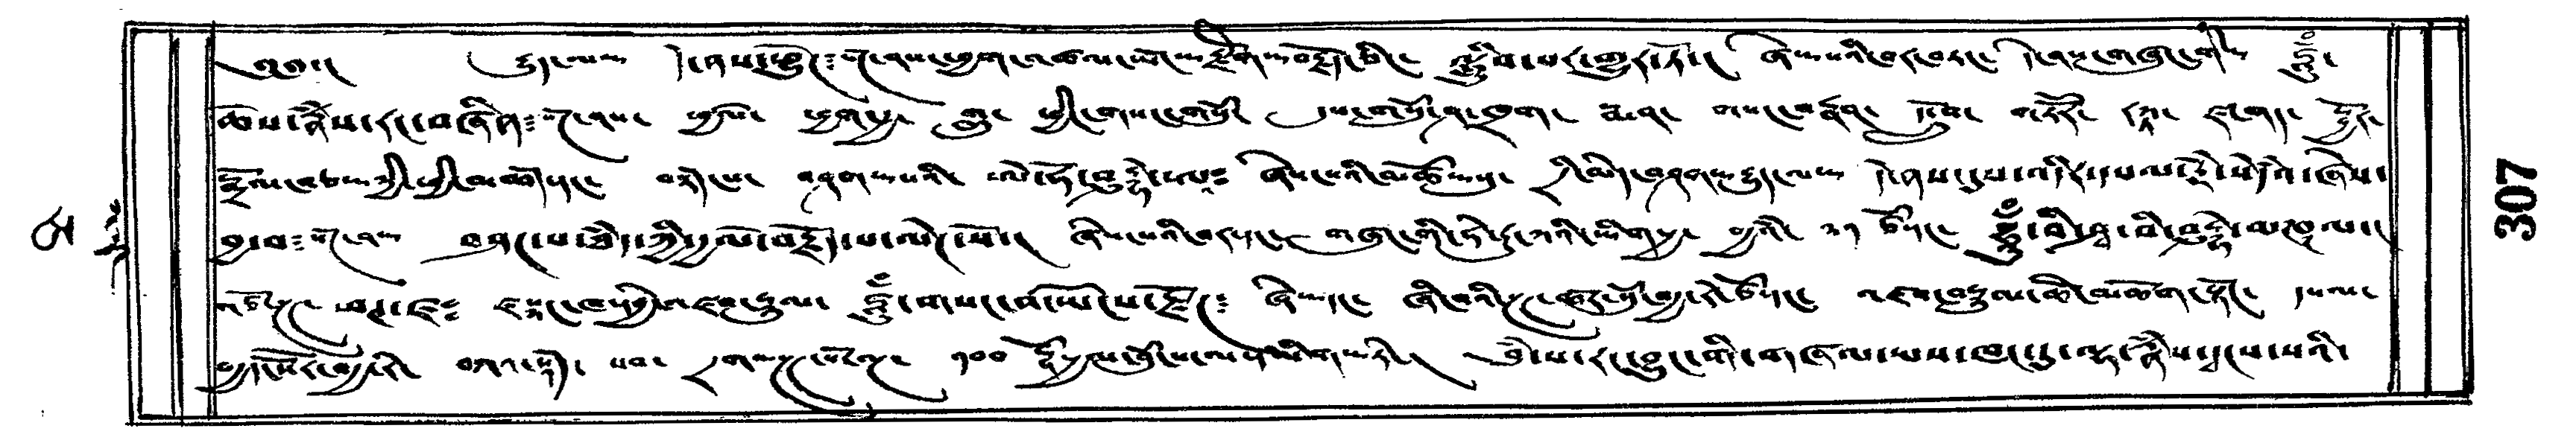རྒྱུད་ལས། དེ་ནས་ཕྱོགས༴ སོགས་ནས་ཕྱག་འཚལ་ཡོངས་རྫོགས་བརྗོད་ཅིང་། ལྷུན་གྱི་གྲུབ་པར་གྱུར་སྟེ། ཞེས་པའི་བར་གཏང་། དེ་ནས་གཞུང་གི ཧཱུྃ། 
ཆོས་རྣམས་རང་བཞིན༴ སོགས་ནས། ཕྱག་འཚལ། ཕྱག་རྒྱ། གླུ། ཕྱི་ནང་གསང་གསུམ། དུས་གསུམ་ཤ་ཁྲག སྨན། གསང་བརྣན། དངོས་གྲུབ། གཏོར་མ། རཀྟ། ཛ་གད། སྦྱོར་
སྒྲོལ་བཅས་ཀྱི་ཕྱི་མཆོད་དང་། བསྟོད་པ། བཤགས་པའི། ཨེ་ཧོ་ཤུདྡྷེ་ཨཱཿ ཞེས་པའི་མཚམས་སུ། དྲི་མེད་བཤགས་རྒྱུད་ལས། དེ་ནས་དུས་འདིར་དཔལ་རྡོ་རྗེ་སེམས་དཔའ་ཞེས་
བྱ་བ༴ སོགས་ནས། བཤགས་པ་ཐམས་ཅད་ཀྱི་རྒྱལ་པོ་བརྗོད་པ་ལེགས་སོ། ཞེས་པའི་བར་དང་གཞུང་གི་ཧེ་རུ་ཀའི་ཡིག་རྒྱ། བརྒྱའམ་ཉེར་གཅིག་ཙམ་དང་། ཧཱུྃ་བི་ཤྭ་བི་ཤུདྡྷེ་མཎྜལ༴ 
གཙོ་སྔགས། ཕཊ་ཛཿ ཛ་སྐང་ཁ་དབྱེ་ཛཔྲ་སྐུལ། ཧཱུྃ༔གསང་བ་ཡོགས་རྫོགས༴ ཞེས་དང་། ཞི་བའི་སྔགས་ཚར་སུམ་བརྒྱ་རེ་ཙམ་དང་། ཛཔྲ་བསྐུལ་ཆེ་མཆོག་སྟོང་། དཔལ་
བརྒྱད་སོ་སོར་བརྒྱ་རེ། བཀའ་སྡོད་ལྔ་བཅུ། དྲག་སྔགས་སོ་ལྔ་བརྒྱ།རྣམ་རྒྱལ་བུམ་པ་དམིགས་ཏེ། བུམ་པ་རང་བྱུང་གི་གཞལ་ཡས་ཁང་དུ་ལྷ་རྣམས་དྭངས་པའི་